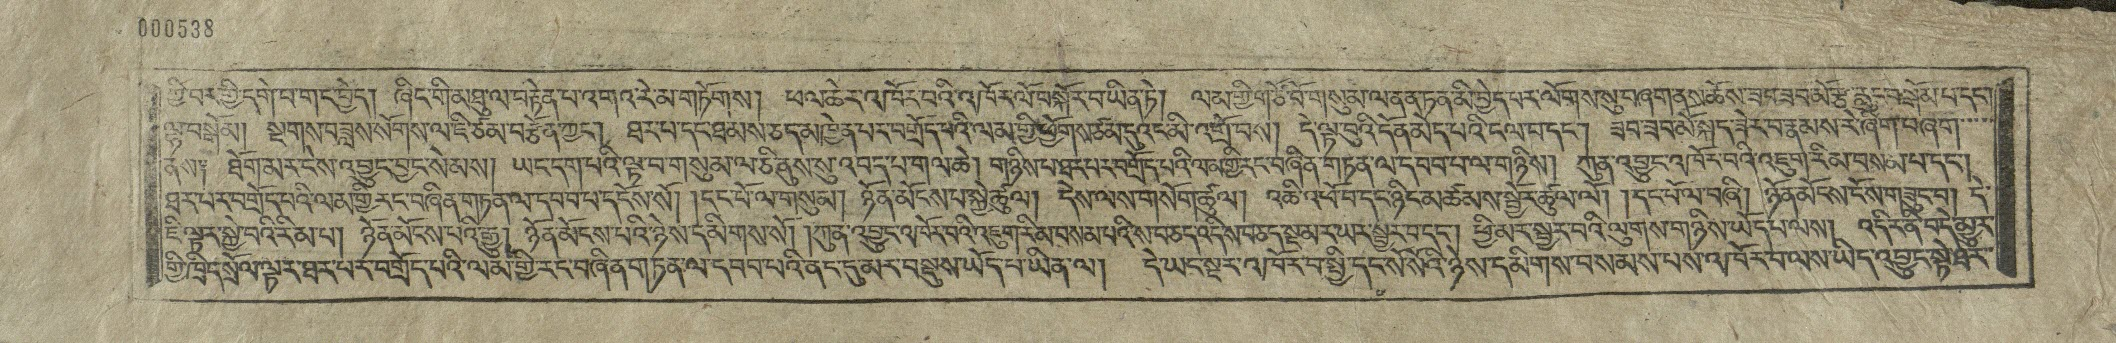ཀྱི་བར་གྱི་དགེ་བ་གང་བྱེད། ཞིང་གི་མཐུ་ལ་བརྟེན་པ་འགའ་རེ་མ་གཏོགས། ཕལ་ཆེར་འཁོར་བའི་འཁོར་ལོ་བསྐོར་བ་ཡིན་ཏེ། ལམ་གྱི་གཙོ་བོ་གསུམ་ལ་ནན་ཏན་མི་བྱེད་པར་ལོགས་སུ་བཞག་ནས་ཆོས་ཟབ་ཟབ་མོ་རྩ་རླུང་བསྒོམ་པ་དང་།
ལྷ་བསྒོམ། སྔགས་བཟླས་སོགས་ལ་ཇི་ཙམ་བརྩོན་ཀྱང་། ཐར་པ་དང་ཐམས་ཅད་མཁྱེན་པར་བགྲོད་པའི་ལམ་གྱི་ཕྱོགས་ཙམ་དུའང་མི་འགྲོ་བས། དེ་ལྟ་བུའི་དོན་མེད་པའི་ངལ་བ་དང་། ཟབ་ཟབ་མོ་སྐད་ཟེར་བ་རྣམས་རེ་ཞིག་བཞག་
ནས༑ ཐོག་མར་ངེས་འབྱུང་བྱང་སེམས། ཡང་དག་པའི་ལྟ་བ་གསུམ་ལ་ཅི་ནུས་སུ་འབད་པ་གལ་ཆེ། གཉིས་པ་ཐར་པར་བགྲོད་པའི་ལམ་གྱི་རང་བཞིན་གཏན་ལ་དབབ་པ་ལ་གཉིས། ཀུན་འབྱུང་འཁོར་བའི་འཇུག་རིམ་བསམ་པ་དང་།
ཐར་པར་བགྲོད་པའི་ལམ་གྱི་རང་བཞིན་གཏན་ལ་དབབ་པ་དངོས་སོ། །དང་པོ་ལ་གསུམ། ཉོན་མོངས་པ་སྐྱེ་ཚུལ། དེས་ལས་གསོག་ཚུལ། འཆི་འཕོ་བ་དང་ཉིང་མཚམས་སྦྱོར་ཚུལ་ལོ། །དང་པོ་ལ་བཞི། ཉོན་མོངས་ངོས་གཟུང་བ། དེ་
ཇི་ལྟར་སྐྱེ་བའི་རིམ་པ། ཉོན་མོངས་པའི་རྒྱུ། ཉོན་མོངས་པའི་ཉེས་དམིགས་སོ། །ཀུན་འབྱུང་འཁོར་བའི་འཇུག་རིམ་བསམ་པའི་ས་བཅད་འདི་ས་བཅད་སྔ་མར་ཡར་སྦྱར་བ་དང་། ཕྱི་མར་སྦྱར་བའི་ལུགས་གཉིས་ཡོད་པ་ལས། འདིར་ནི་བདེ་མྱུར་
གྱི་ཁྲིད་སྲོལ་ལྟར་ཐར་པར་བགྲོད་པའི་ལམ་གྱི་རང་བཞིན་གཏན་ལ་དབབ་པའི་ནང་དུ་མར་བསྡུས་ཡོད་པ་ཡིན་ལ། དེ་ཡང་སྔར་འཁོར་བ་སྤྱི་དང་སོ་སོའི་ཉེས་དམིགས་བསམས་པས་འཁོར་བ་ལས་ཡིད་འབྱུང་སྟེ་ཐར་